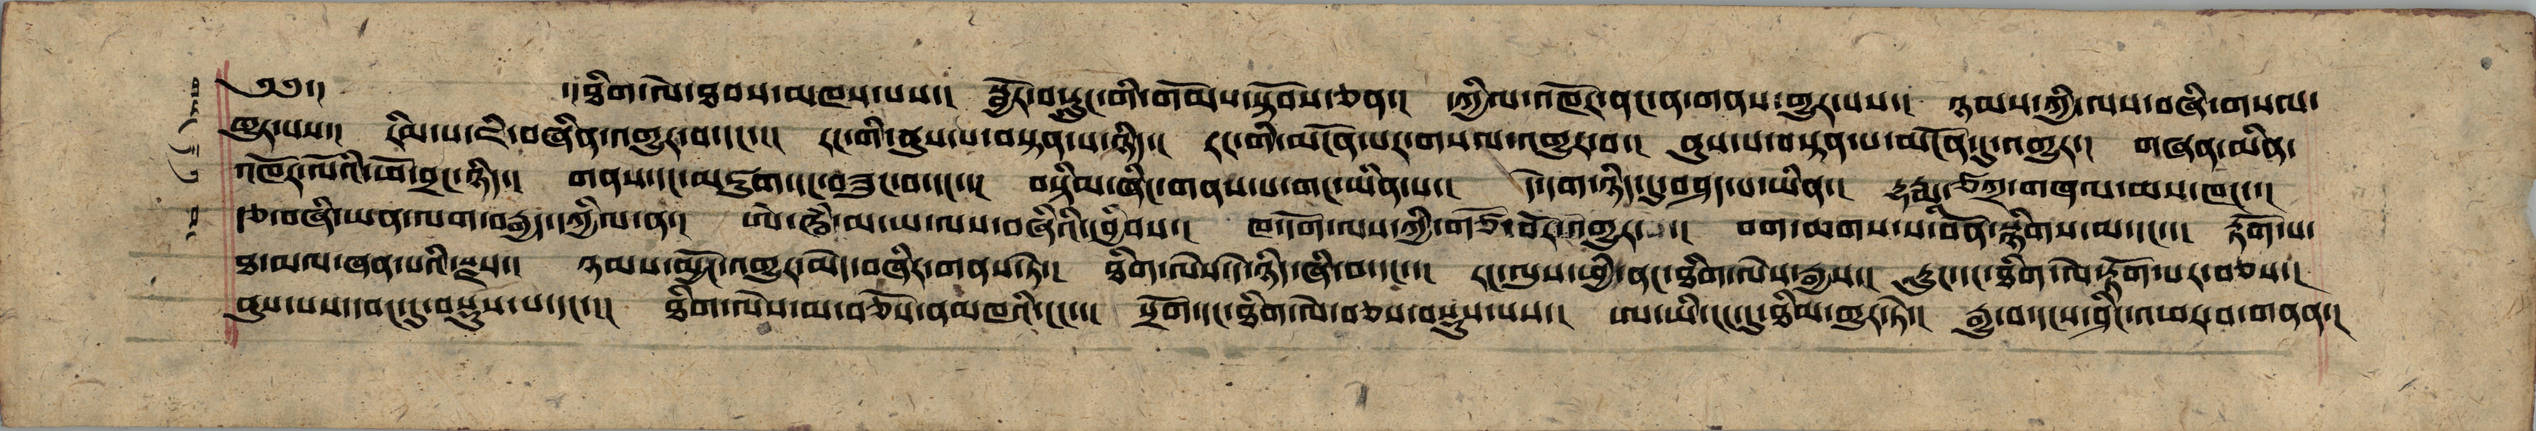༄༅་། ་།ཐིག་ལེ་ཐབས་མཁས་པས་། སྦྱོར་བ་རླུང་གི་གོམས་སྟོབས་ཅན་། དཀྱིལ་འཁོར་ནང་ན་གནས་གྱུར་པས་། ཉམས་ཀྱི་ལས་བཞི་གསལ་
གྱུར་པས་། རིམ་པ་ཇི་བཞིན་འགྱུར་བ་དང་་། རང་གི་ནུས་པ་བསྟན་པ་ཉིད་། རང་གི་མངོན་པར་གསལ་འགྱུར་བ་། ནུས་པ་བསྟན་པ་མངོན་དུ་འགྱུར་། གཞན་མིན་
འཁོར་ལོའི་ཕོ་བྲང་ཉིད་། གནས་དང་མཇུག་དང་བཟུང་བ་དང་་། བསྟིམ་ཞིང་གནས་པ་གང་ཡིན་པ་། དེ་དག་ཉིད་དུ་བཤད་པ་ཡིན་། རྡརྨཱ་ཙཀྲ་གཞལ་ཡས་ཁང་།
རྩ་བཞི་ཡན་ལག་བརྒྱད་དཀྱིལ་ན་། ཨེ་ཝཾ་མ་ཡ་ལས་བཞིའི་དབྱིབས་། ཁ་དོག་ལས་ཀྱི་གཙོ་བོར་འགྱུར་པ་། བག་ཆགས་ས་བོན་སྙིགས་མ་དང་་། རྟོག་པ་
ཐ་མལ་ཞན་པའི་སྫས་། ཉམས་མྱོང་འགྱུར་མེད་བཞིར་གནས་ཏེ་། ཐིག་ལེས་དེ་ཉིད་ཞི་བ་དང་་། རང་ལུས་ཕྱི་ནང་ཐིག་ལེས་རྒྱས་། རླུང་དང་ཐིག་ལེ་རྟོག་པར་བཅས་།
ནུས་པས་དབང་དུ་བསྡུས་པ་དང་་། ཐིག་ལེས་མ་བཅོས་ནམཁའི་ངང་་། སྲོག་དང་ཐིག་ལེ་བཅས་བསྡུས་པས་། ཨ་ཡི་ངང་དུ་ཐིམ་གྱུར་ཏེ་། རྒྱུ་བ་དངས་ཤིང་འཕར་བ་གནན་།